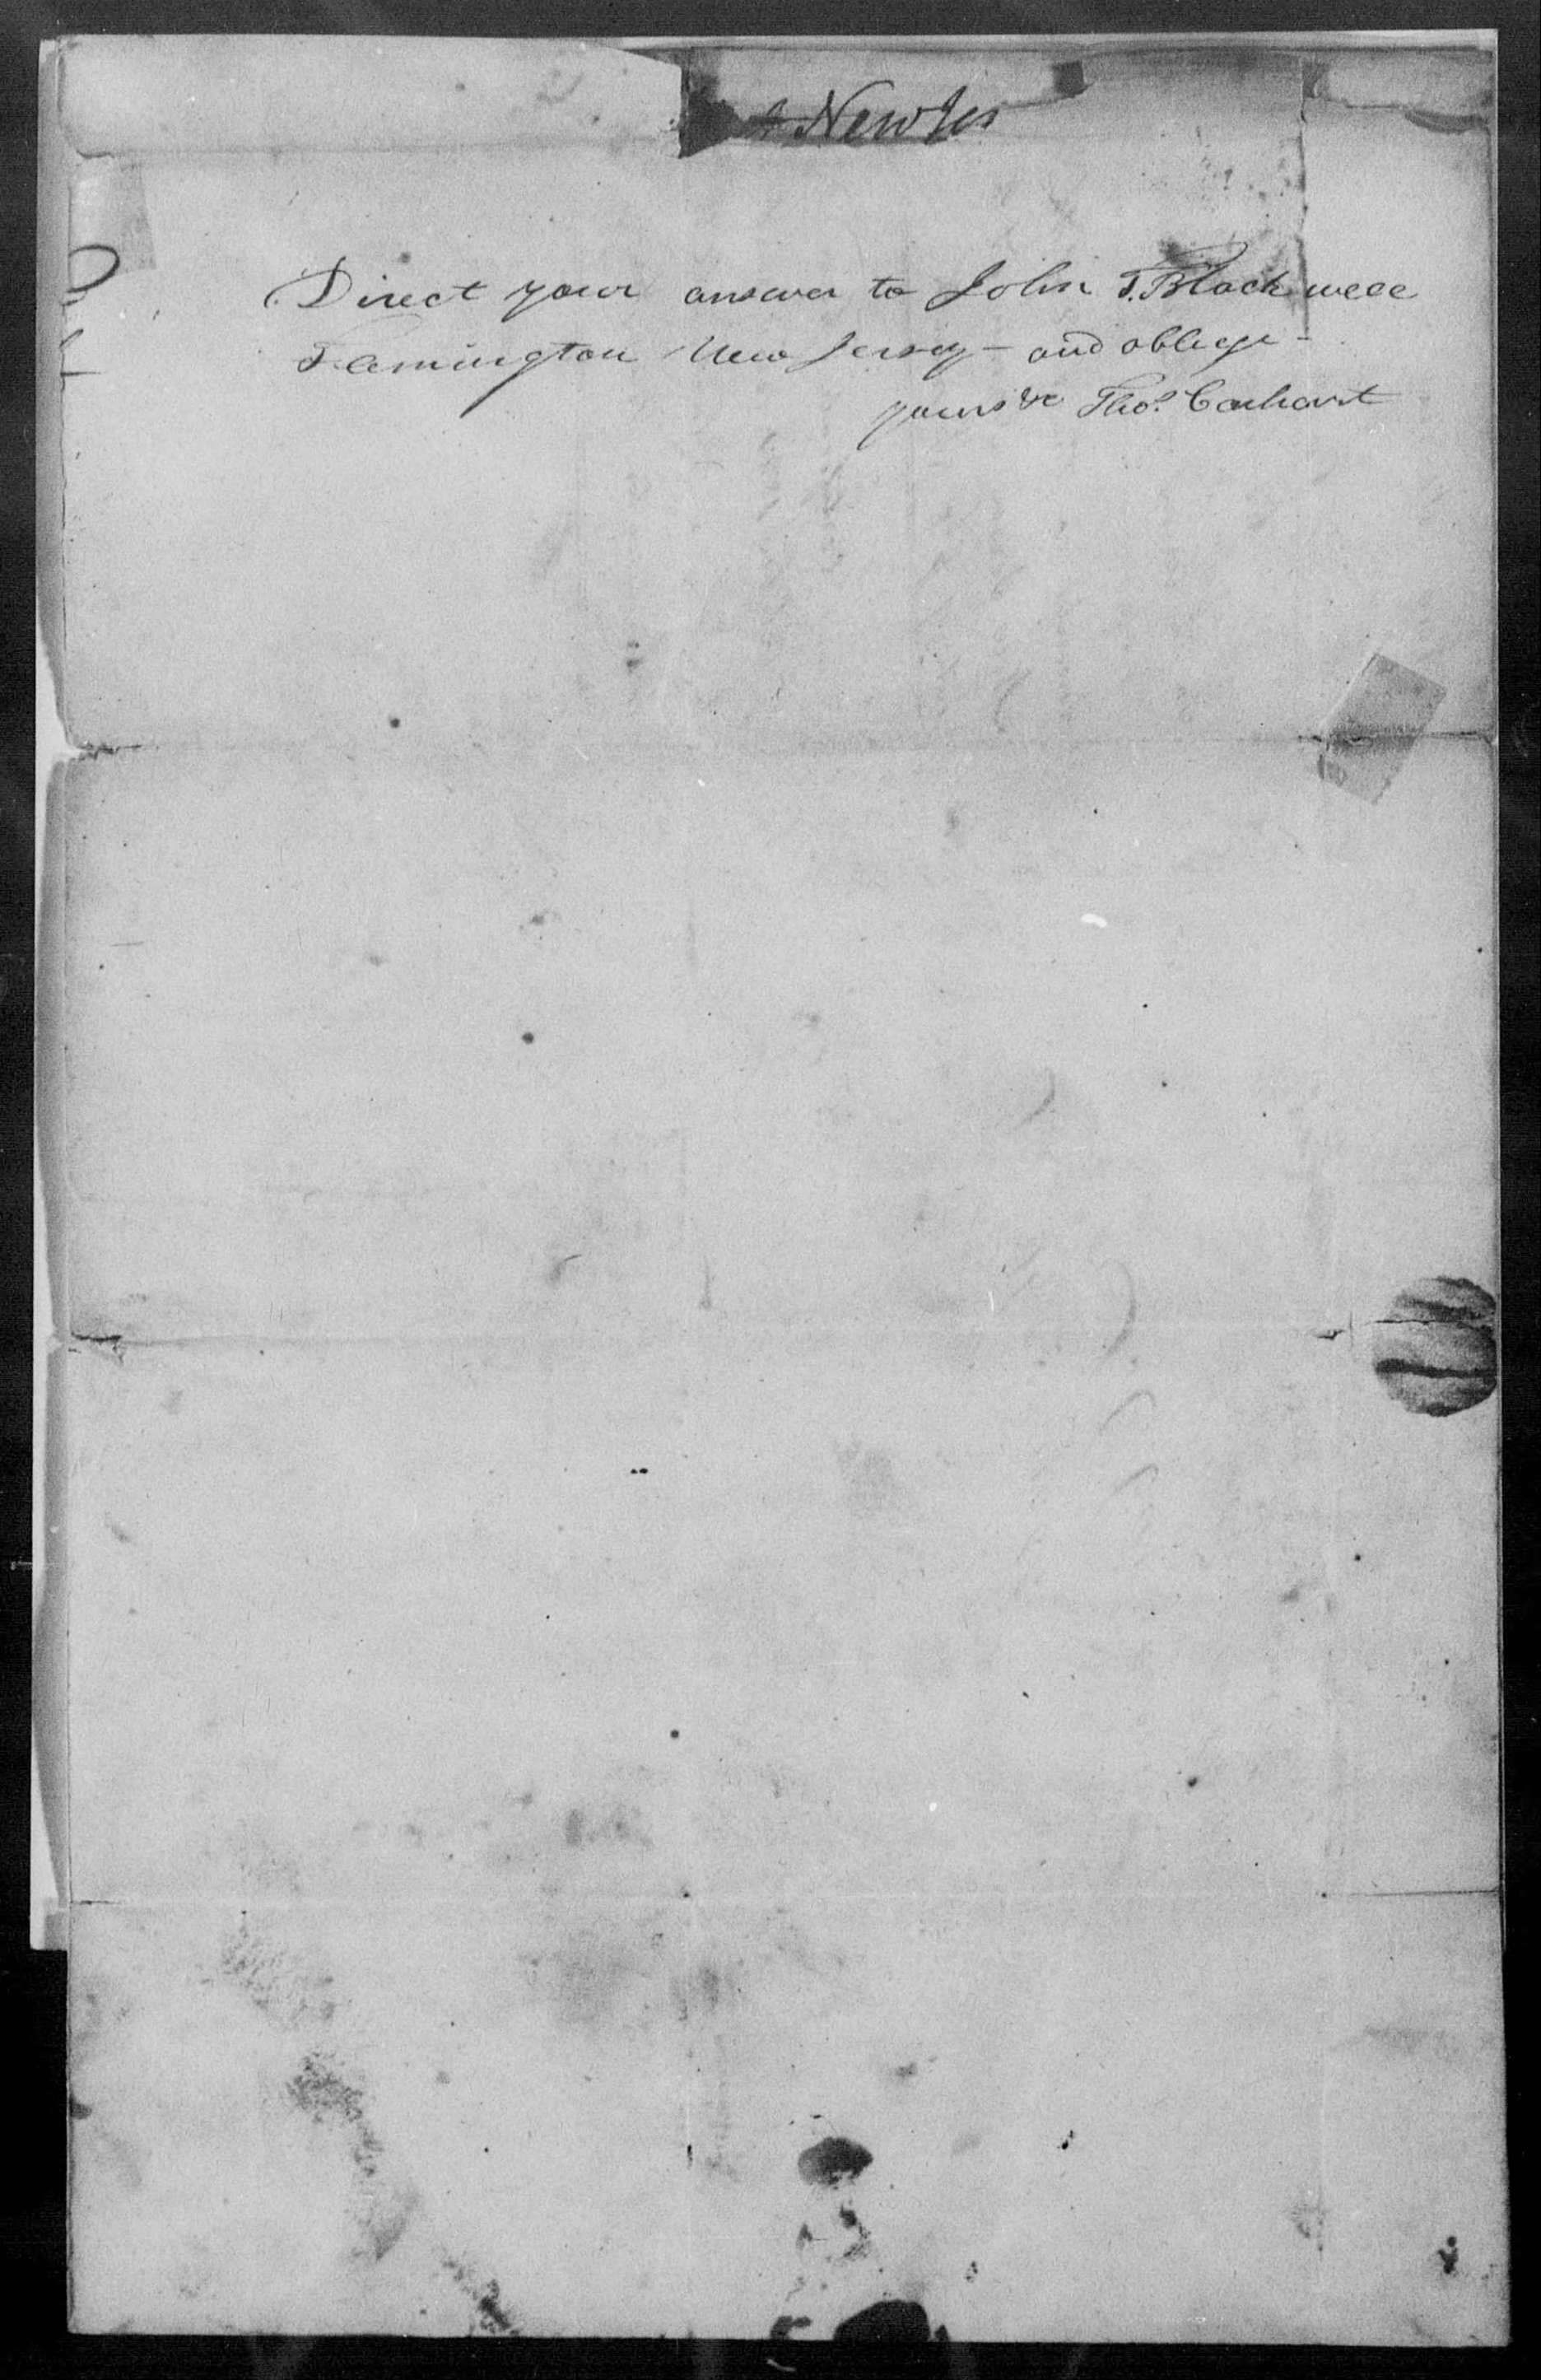Direct your answer to John T. Blackwell Flemington New Jersey and oblige

Yours

(Signed) "Tho's Carhart"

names: Thos Carhart, John T Black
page: 6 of 7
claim: survivor's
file: S. 483, Thomas Carhart, New Jersey